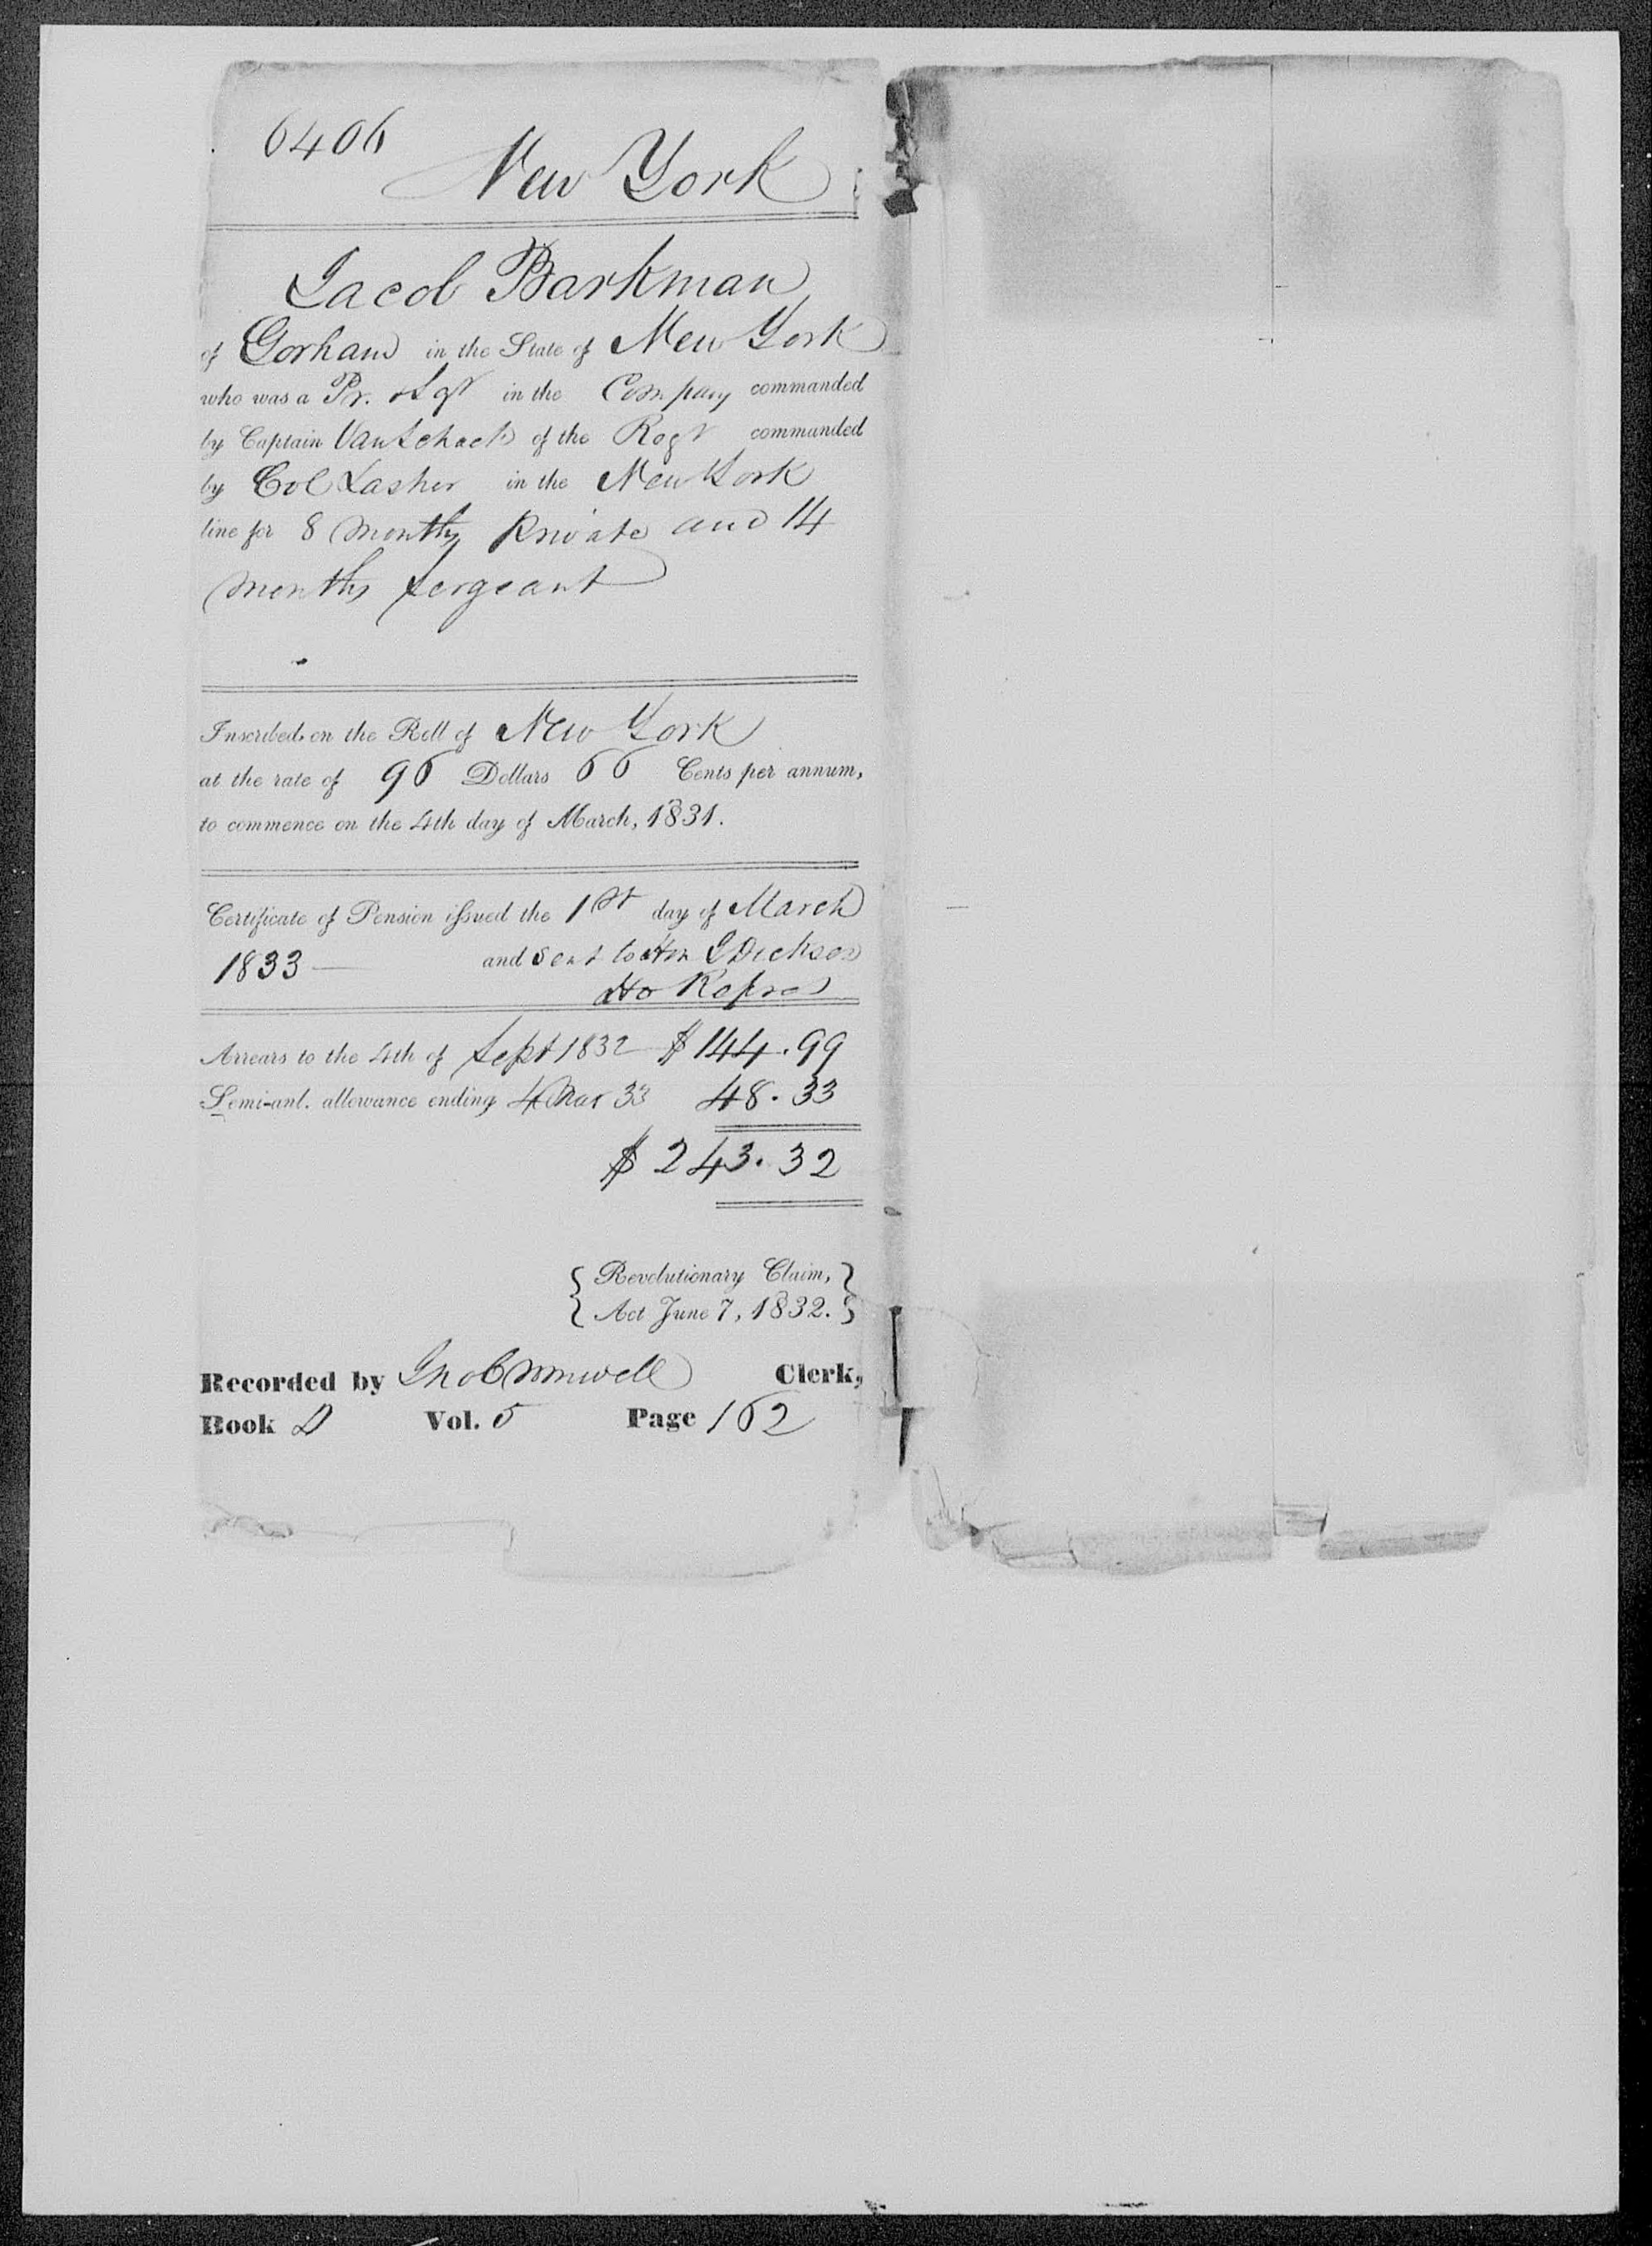6406

New York

Jacob Barkman
of Gorham in the State of New York
who was a Private in the Company commanded
by Captain Van Schack of the Regiment commanded
by Colonel Lasher in the New York
line for 8 months private and 14
months Sergeant

Inscribed on the Roll of New York
at the rate of 96 Dollars 66 Cent per annum,
to commence on the 4th day of March, 1831.

Cerfiticate of Pension issued the 1st day of March, 1833
and sent to J Dickson

Arrears to the 4th of September 1832   $144.99
Semi annual allowance ending 4 March 1833 48.33

       $243.32

Revolutionary Claim,
Act June 7, 1832.

Recorded by Jo Cromwell Clerk,
Book D Vol. 5 Page 162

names: Jacob Barkman, J Dickson, Jno Cromwell, Lasher, Van Schack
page: 2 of 12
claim: survivor's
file: S. 23,528, Jacob Barkman, New York